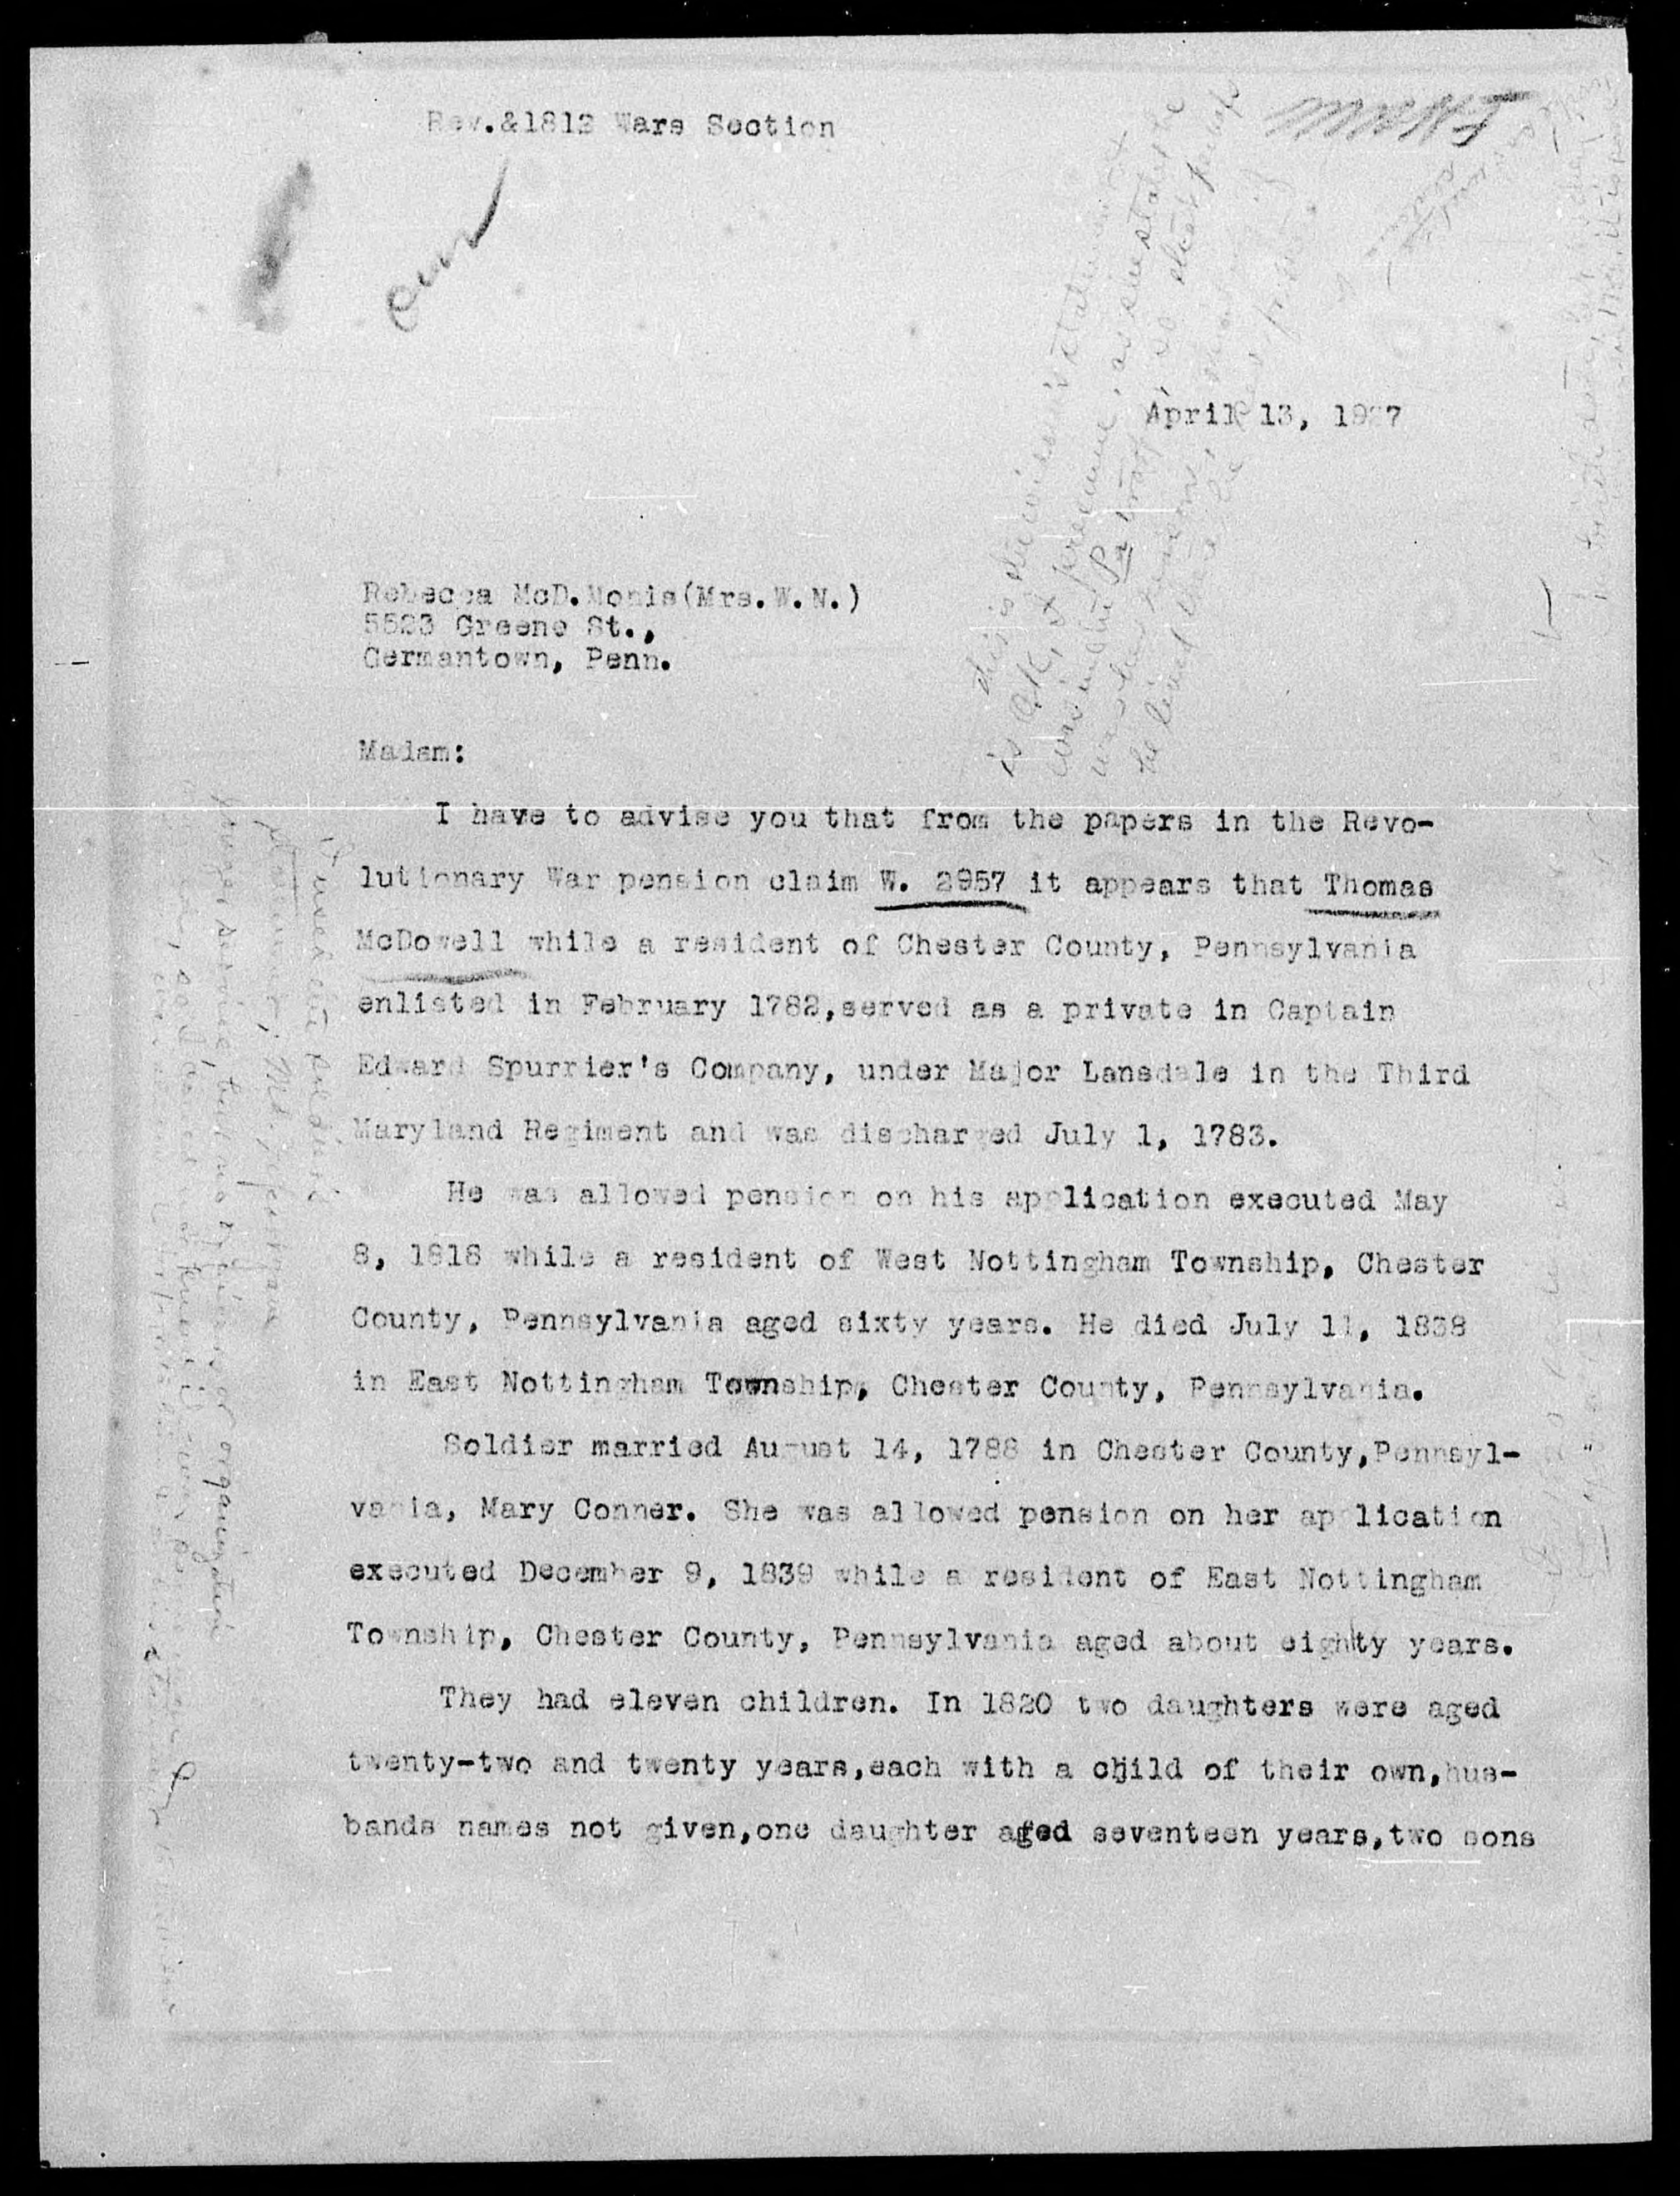Rev.&1812 Wars Section

[partly legible margin handwriting] this is ... statement is O.K, I presume, as she states he was in a ... was her husband. ... he lived there, he ... [/handwriting]

April 13, 1987

Rebecca McD.Monis(Mrs.W.N.)
5523 Greene St.,
Germantown, Penn.

Madam:

I have to advise you that from the papers in the Revolutionary War pension claim [underlined] W. 2957 [/underlined] it appears that [underlined] Thomas McDowell [/underlined] while a resident of Chester County, Pennsylvania enlisted in February 1782,served as a private in Captain Edward Spurrier's Company, under Major Lansdale in the Third Maryland Regiment and was discharged July 1, 1783.

[partly legible margin handwriting] I used the soldier's statement, ... longer service, that ... or organization ... , said ... [/handwriting]

He was allowed pension on his application executed May 8, 1918 while a resident of West Nottingham Township, Chester County, Pennsylvania aged sixty years. He died July 11, 1838 in East Nottingham Township, Chester Count, Pennsylvania.

Soldier married August 14, 1788 in Chester County, Pennsylvania, Mary Conner. She was allowed pension on her application executed December 9, 1839 while a resident of East Nottingham Township, Chester County, Pennsylvania aged about eighty years.

They had eleven children. In 1820 two daughters were aged twenty-two and twenty years,each with a child of their own,husbands names not given,one daughter aged seventeen years,two sons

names: [BLANK] Lansdale; Rebecca Mc D Monis; W N [BLANK]; Mary Conner; Thomas Mc Dowell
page: 19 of 63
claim: widow's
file: W 2957, for Thomas Mc Dowell, Maryland